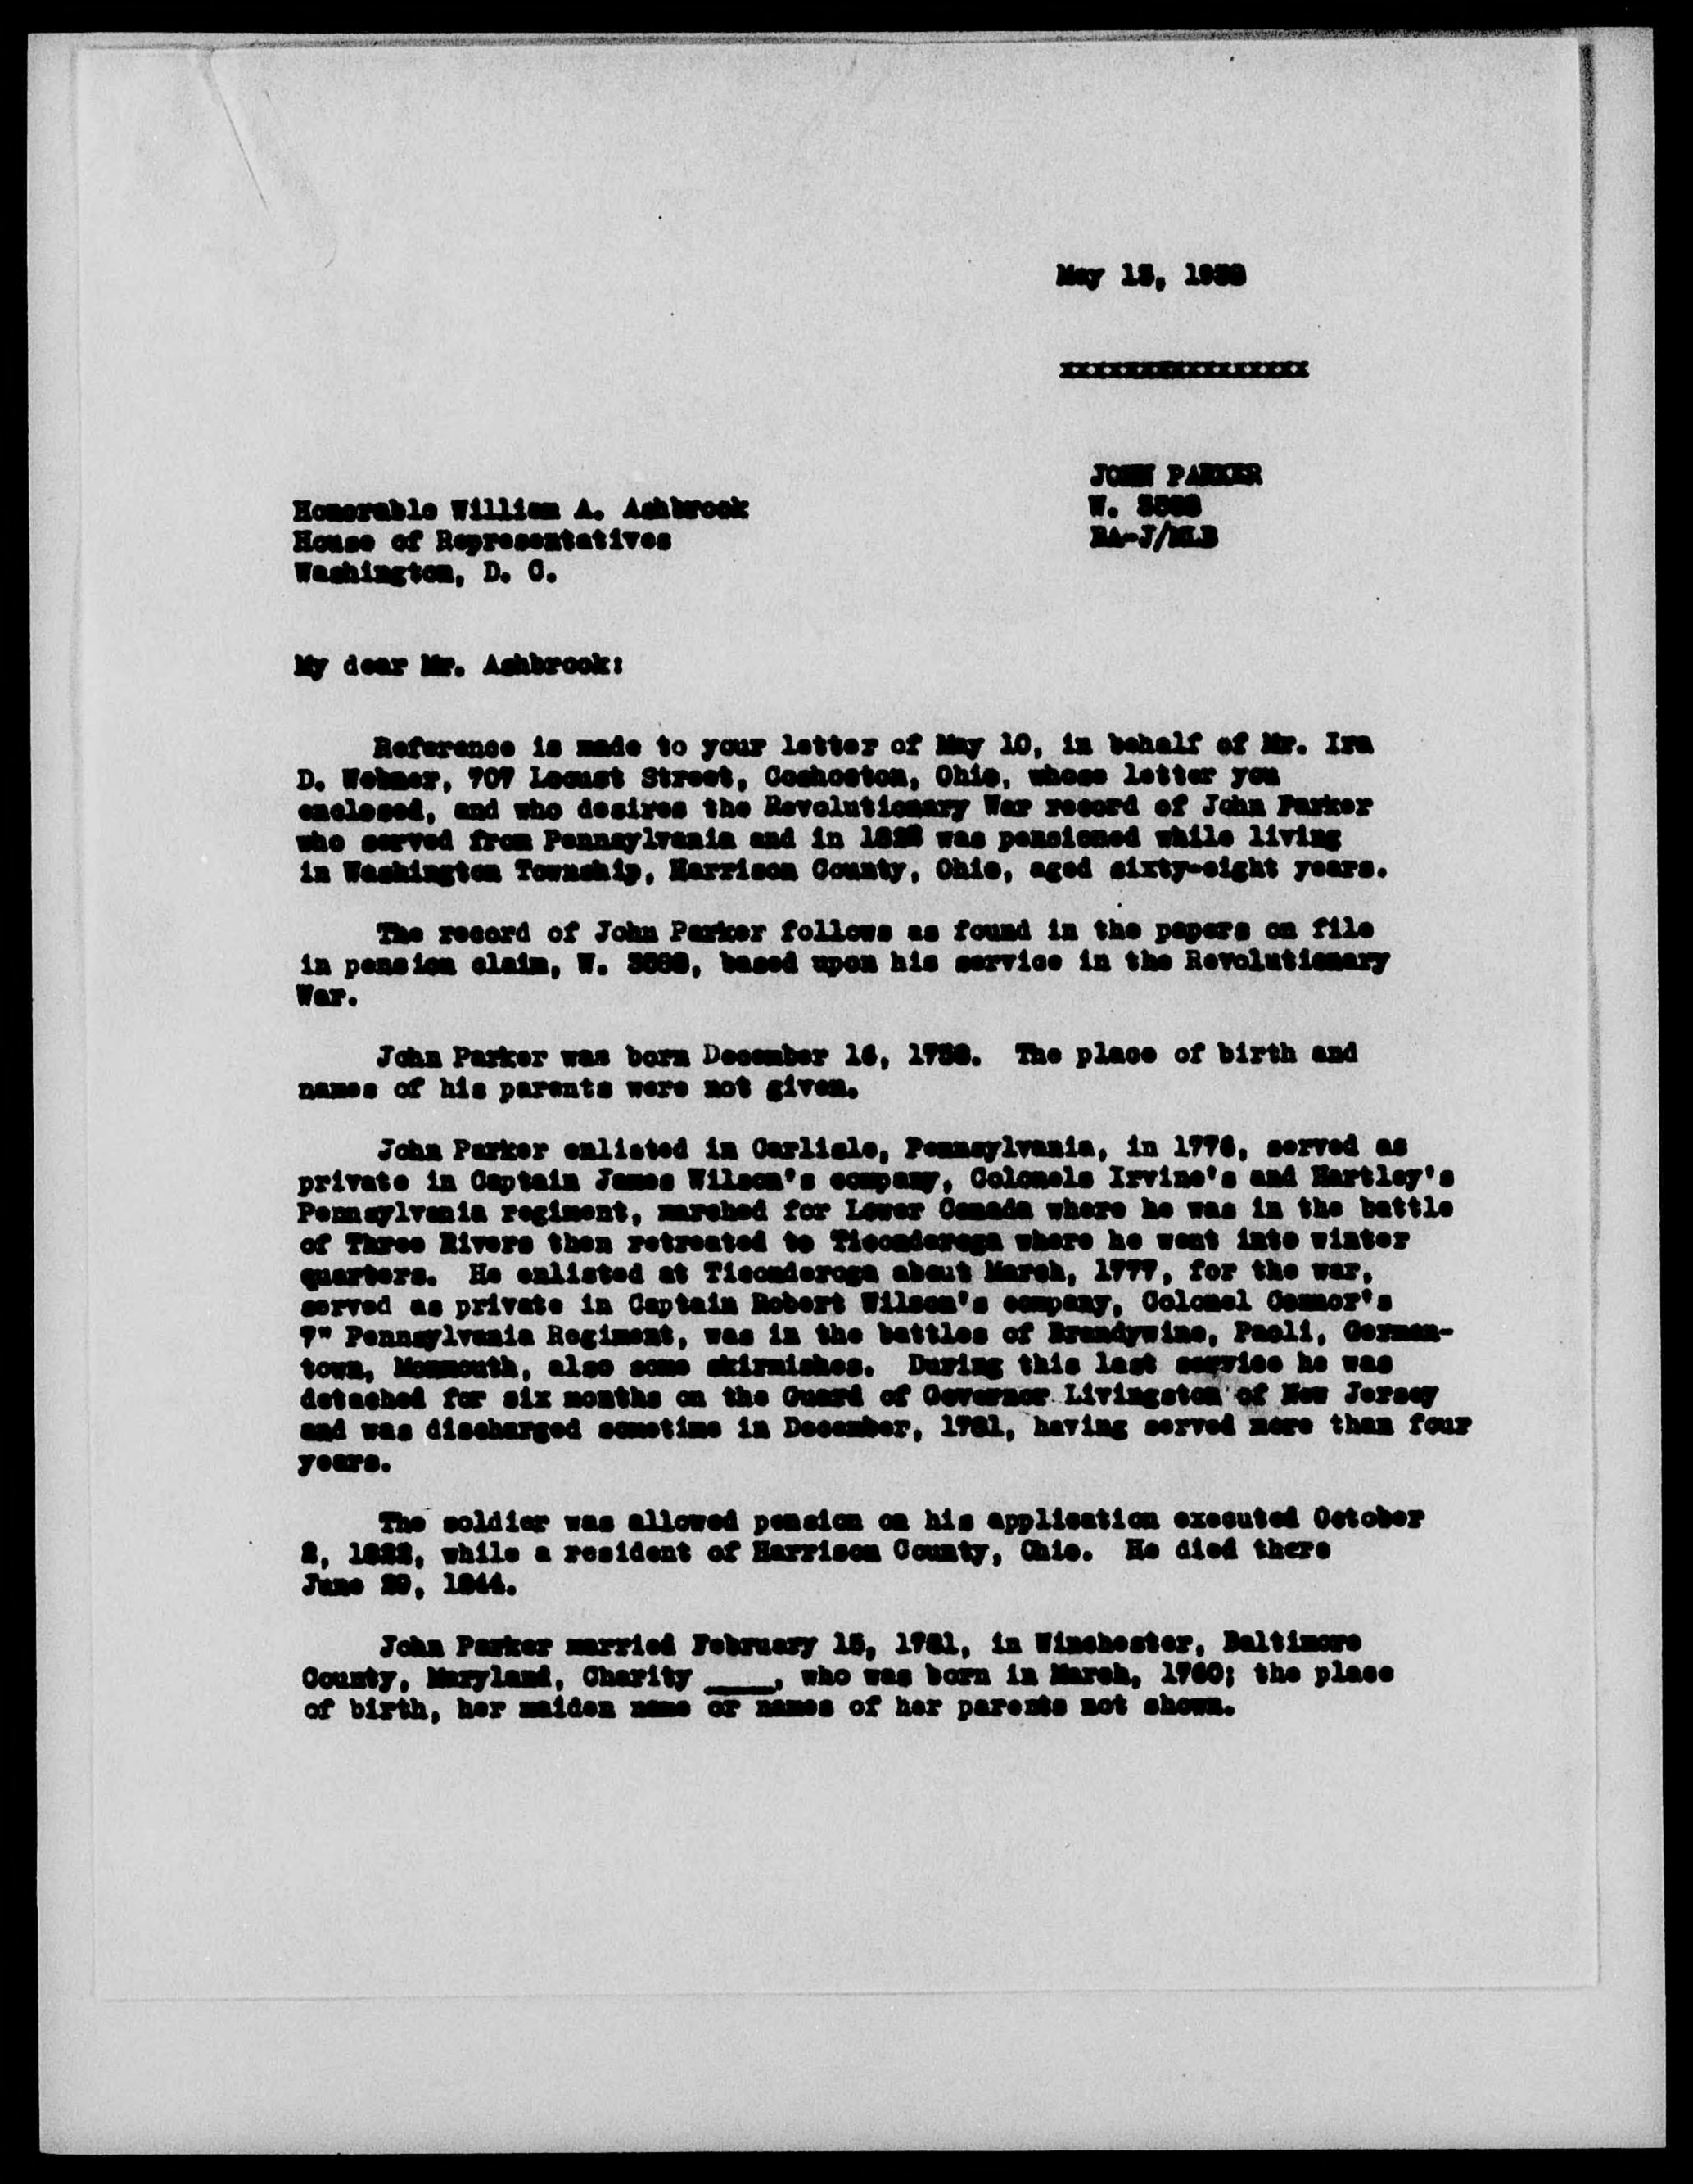May 15, 1939
xxxxxxxxxxxxxxxxxxxx
JOHN PARKER
W. 3588
BA-J/ML3
Honorable William A. Ashbrook
House of Representatives
 Washington, D.C.
My dear Mr. Ashbrook:

Reference is made to your letter of May 10, in behalf of Mr. Ira D. Webner, 707 Locust Street, Coshocton, Ohio, whose letter you enclosed, and who desires the Revolutionary War record of John Parker who served from Pennsylvania and in 1822 was pensioned while living in Washington Township, Harrison County, Ohio, aged sixty-eight years.

The record of John Parker follows as found in the papers on file in pension claim, W. 3588, based upon his service in the Revolutionary War.

John Parker was born December 16, 1758. The place of birth and names of his parents were not given.

John Parker enlisted in Carlisle, Pennsylvania, in 1776, served as private in Captain James Wilson's company, Colonels Irvine's and Hartley's Pennsylvania regiment, marched for Lower Canada where he was in the battle of Three Rivers then retreated to Ticonderoga where he went into winter quarters. He enlisted at Ticonderoga about March, 1777, for the war, served as private in Captain Robert Wilson's company, Colonel Conner's [sic] 7" Pennsylvania Regiment, was in the battles of Brandywine, Paoli, Germantown, Monmouth, also some skirmishes. During this last service he was detached for six months on the Guard of Governor Livingston of New Jersey and was discharged sometime in December, 1791, having served more than four years.

The soldier was allowed pension on his application executed October 2, 1822, while a resident of Harrison County, Ohio. He died there June 29, 1844.

John Parker married February 17, 1781, in Winchester, Baltimore County, Maryland, Charity ____, who was born in March, 1760; the place of her birth, her maiden name or names of her parents not shown.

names: Ira D Webner; John Parker; William A Ashbrook; Charity [BLANK]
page: 16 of 40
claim: widow's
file: W. 3,588, for John Parker, Pennsylvania